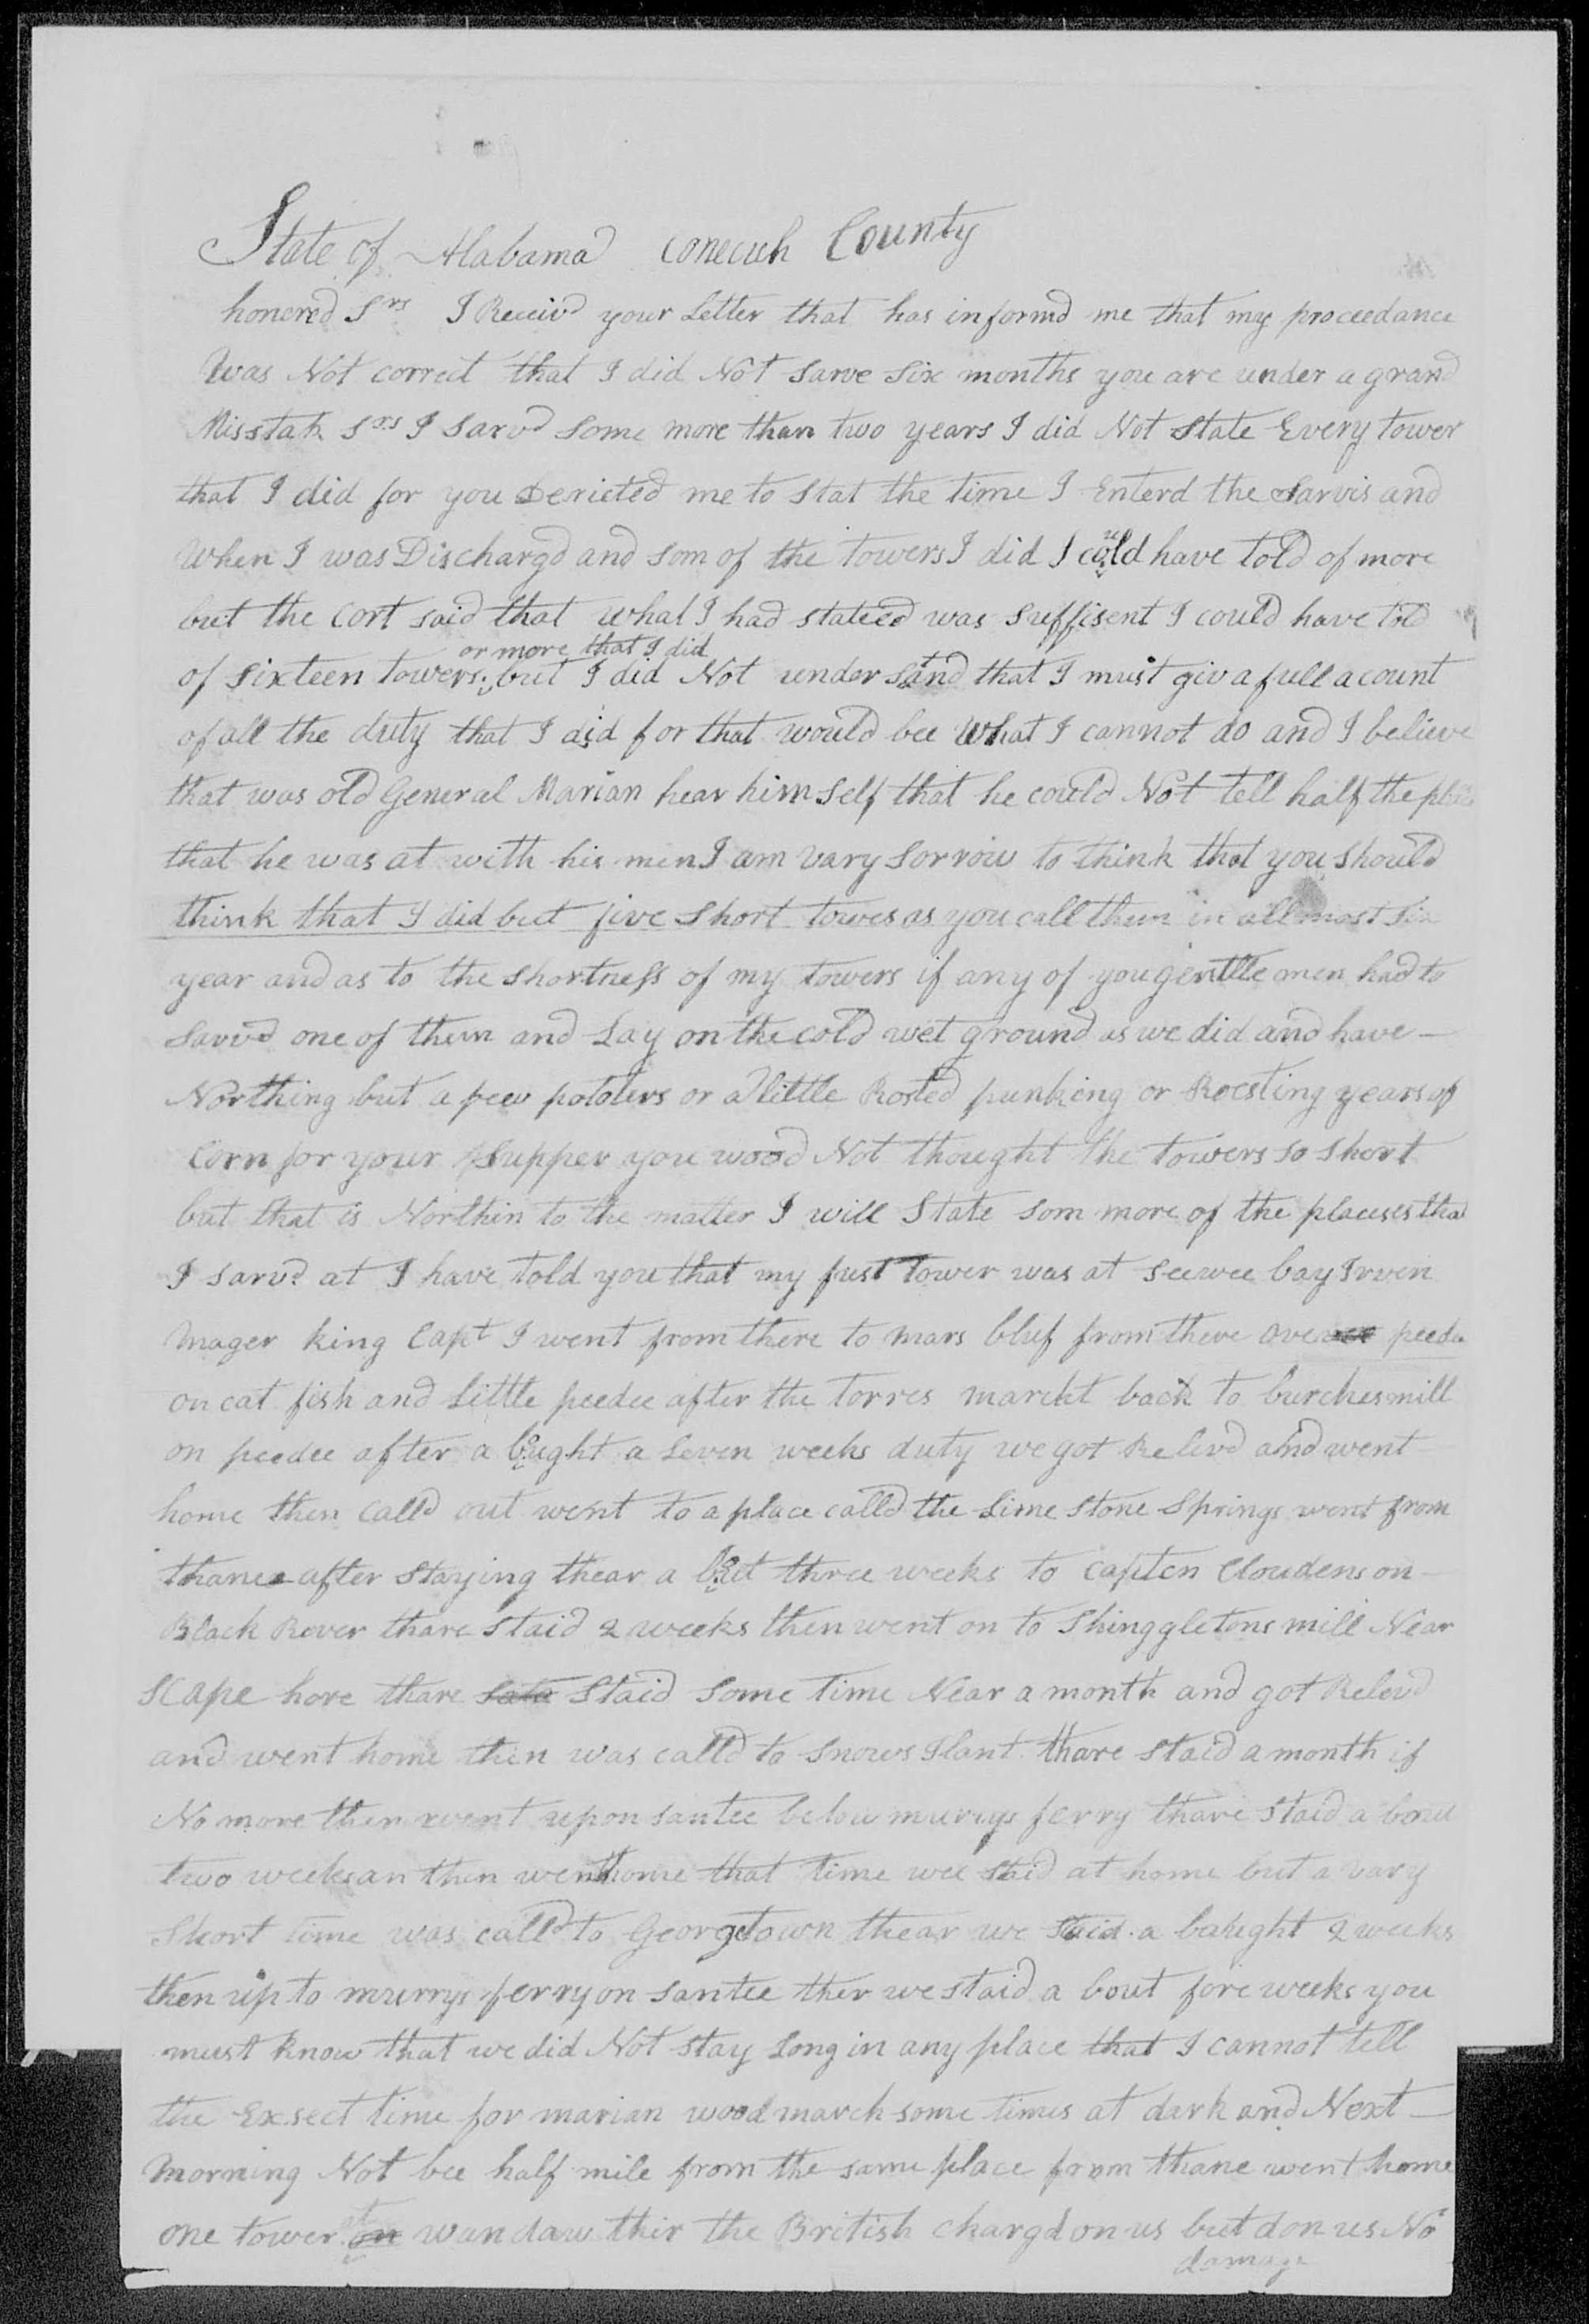State of Alabama.   Conecuh County
honored Srs.  I Receivd your Letter that has informed me that any proceedance Was Not correct that I did Not Sarve Six months you are under a grand Misstak Srs  I Served some more than two years I did Not State Every tower that I did for you Dericted me to Stat the time I Enterd the Sarvis and when I was Discharged and Som of the towers I did I could have told of more but the cort said that what I had stated was sufficient I could have told of Sixteen towers. or more that I did but I did Not understand that I must giv a full acount of all the duty that I did for that would bee what I cannot do and I believe that was old General Marian hear himself that he could Not tell half the place that he was at with his men I am vary Sorrow to think that you Should [begin underlining] think that I did but five Short towers [end of underlining] as you call them in all most Six year and as to the shortness of my towers if any of you gentllemen had to Served one of them and Lay on the cold wet ground as we did and have __ Nothing but a few potaters or a little Rosted punking or Roesting years of corn for your supper you wood Not thought the towers so short but that is Nothin to the matter I will State som more of the placeses I sarvd at I have told you that my first tower was at Seewee by Irven mager king Capt I went from there to mars bluf from there over peedee on cat fish and Little peedee after the Torres marcht back to burches mill on peedee after a bought a Seven weeks duty we got Relivd and went home then calld out went to a place called the Lime Stone Springs went from thance after Staying thear a bout three weeks to captain Cloudens on -- Black River thare Staid 2 weeks then went on to Shinggletons mill Near Kape hore thare [crossed out 'Sata'] Staid Some time Near a month and got Relevd and went home then was calld to Snows Plant.  thare Staid a month if No more then went upon santee below murrys ferry thare Staid a bout two weeks an then went home that time wee Staid at home but a vary Short time was calld to Georgetown thear we Staid a bought 2 weeks then up to murrys ferry on santee then we staid a bout fore weeks you must know that we did Not stay Long in any place that I cannot tell the Exsect time for Marian wood march some times at dark and Next morning Not bee half mile from the same place from thane went home   one tower at [crossed out 'on'] wandaw thir the British chargd on us but don us No damage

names: Marion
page: 28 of 31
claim: survivor's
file: S. 14802, Thomas Ward, S.C.